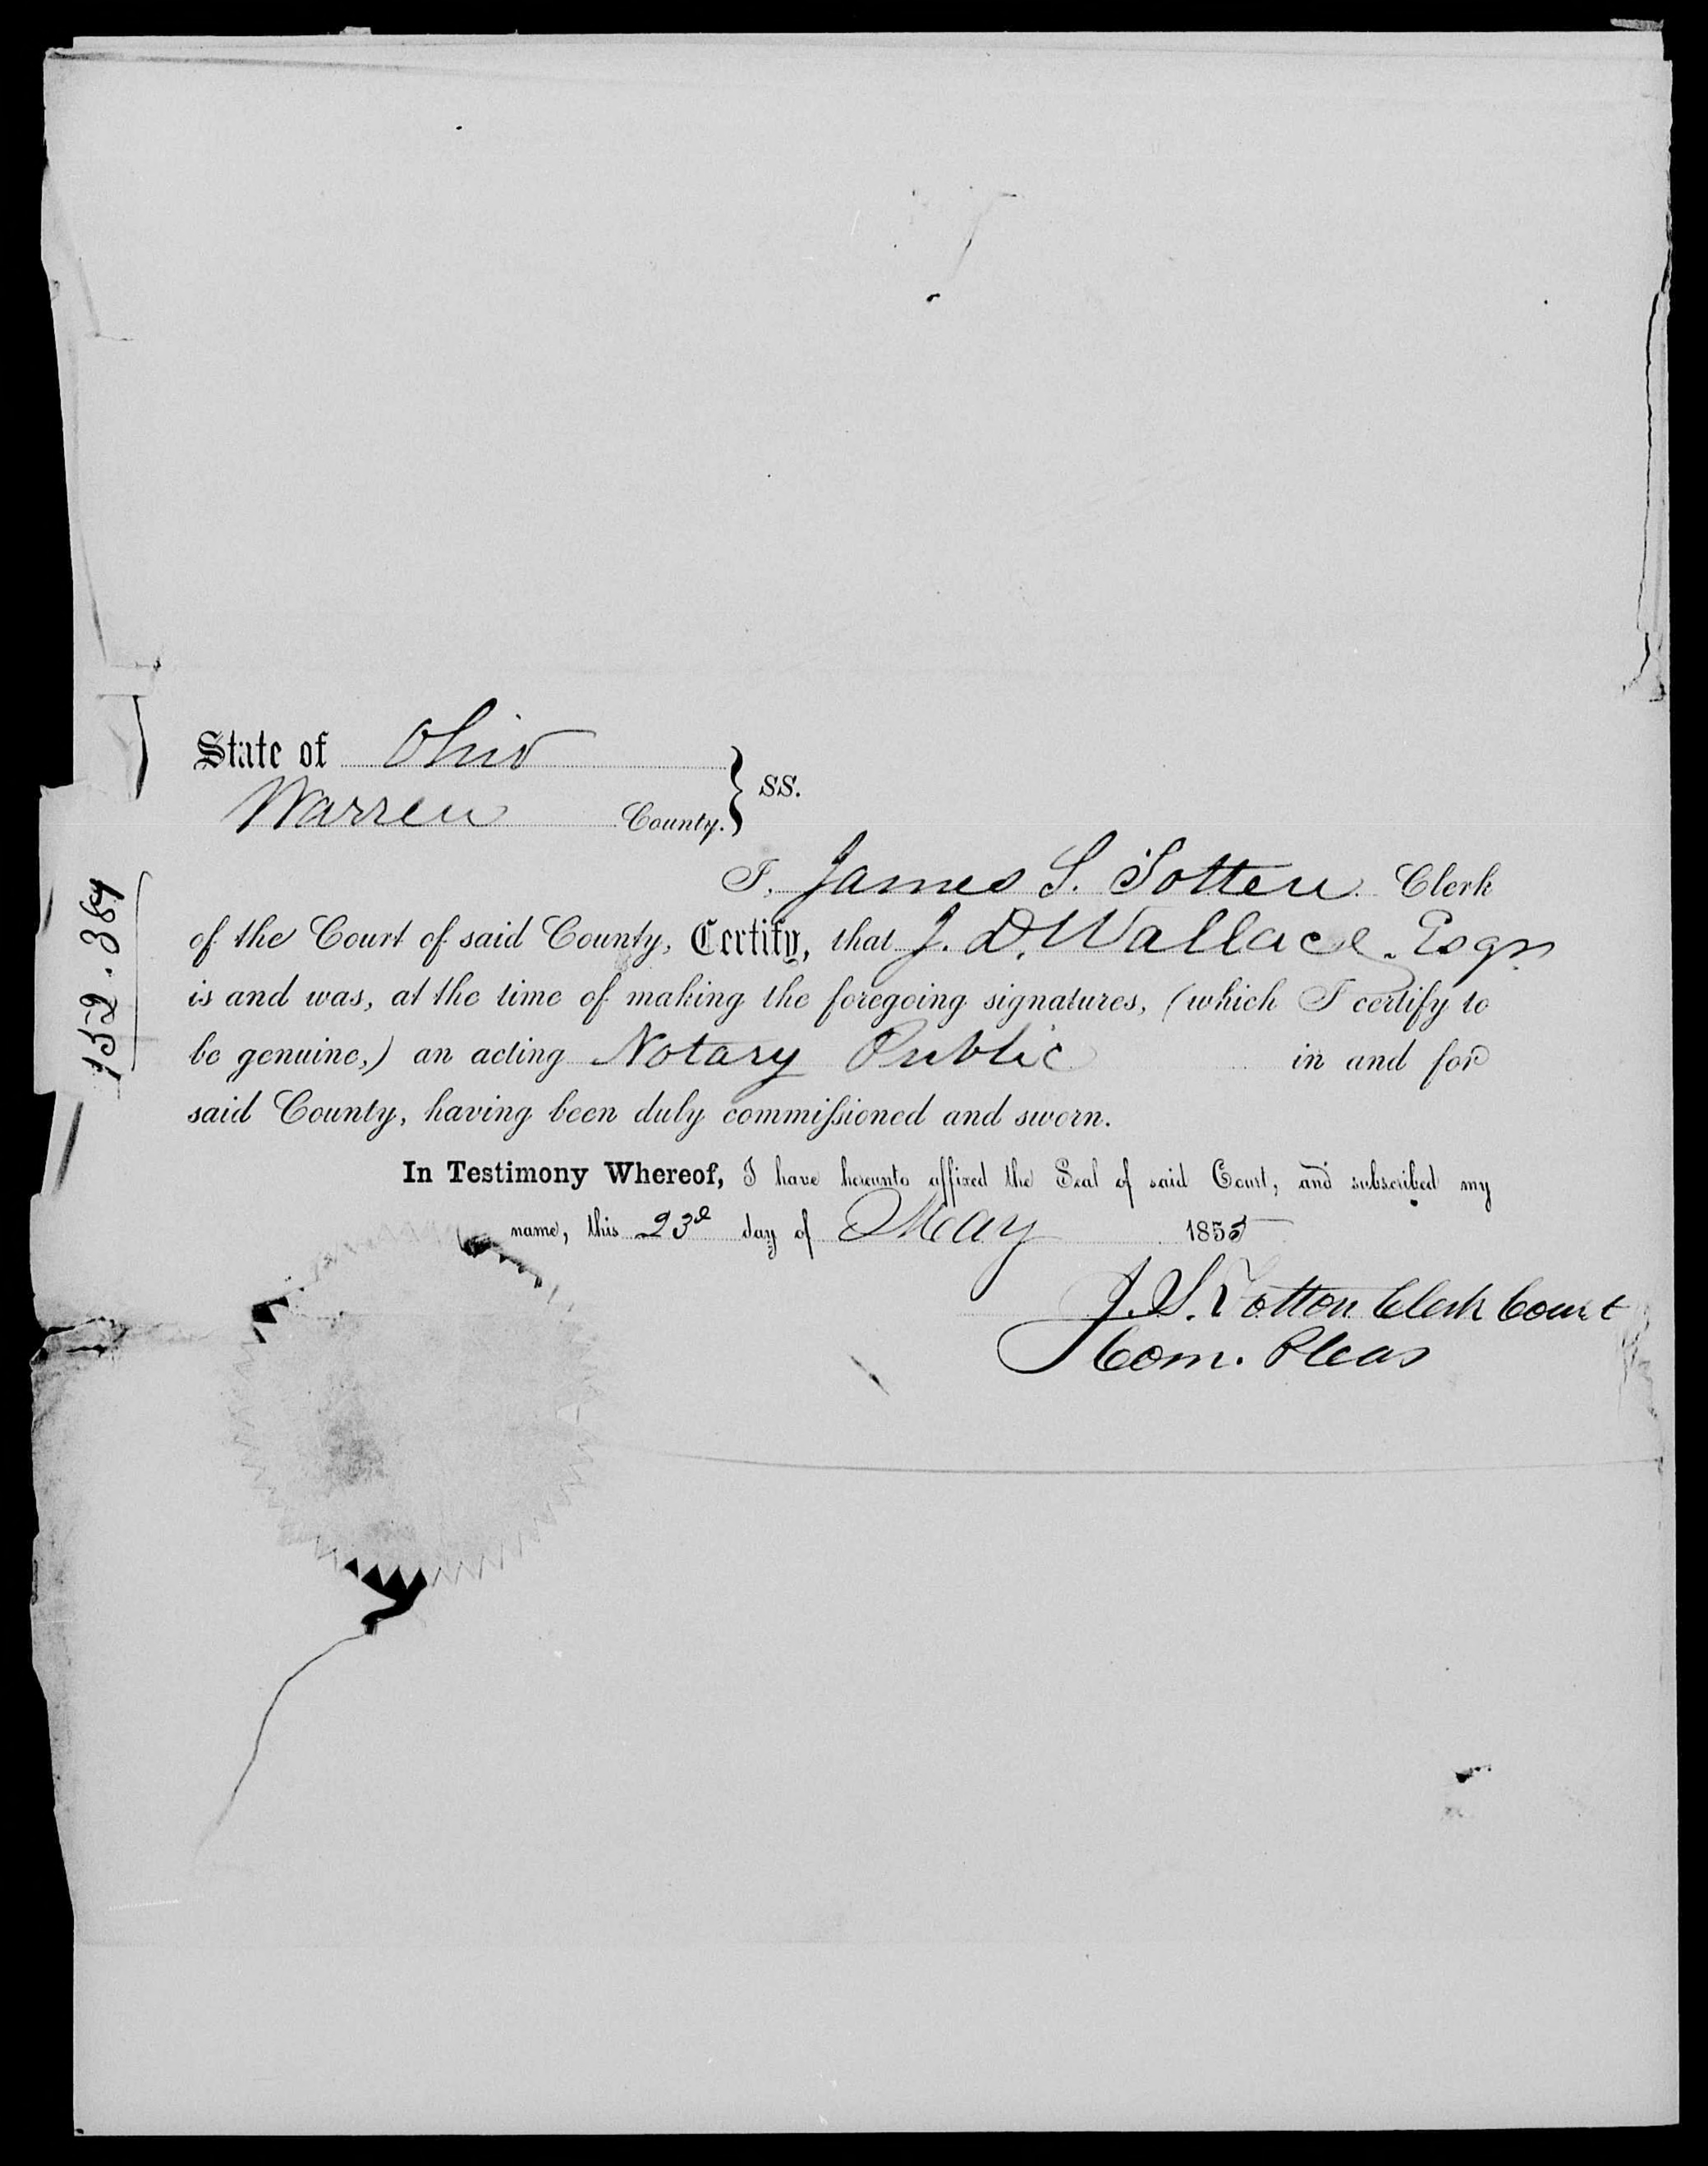152-384

State of Ohio
Warren  County  SS.

I, James S. Totten Clerk
of the Court of said County, certify, that J.D. Wallace Esqr
is and was, at the time of making the foregoing signatures, (which I certify to
be genuine,)  an acting Notary Public in and for
said County, having been duly commissioned and sworn.

In Testimony Whereof, I have hereto affixed the Seal of said County, and subscribed my
name this 23d day of May 1855
J.S. Totton /s/ Clerk Court of
Com. Pleas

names: J S Totton; James S Totten; J D Wallace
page: 29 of 57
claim: widow's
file: W. 25,739, for James Murphey, Pennsylvania